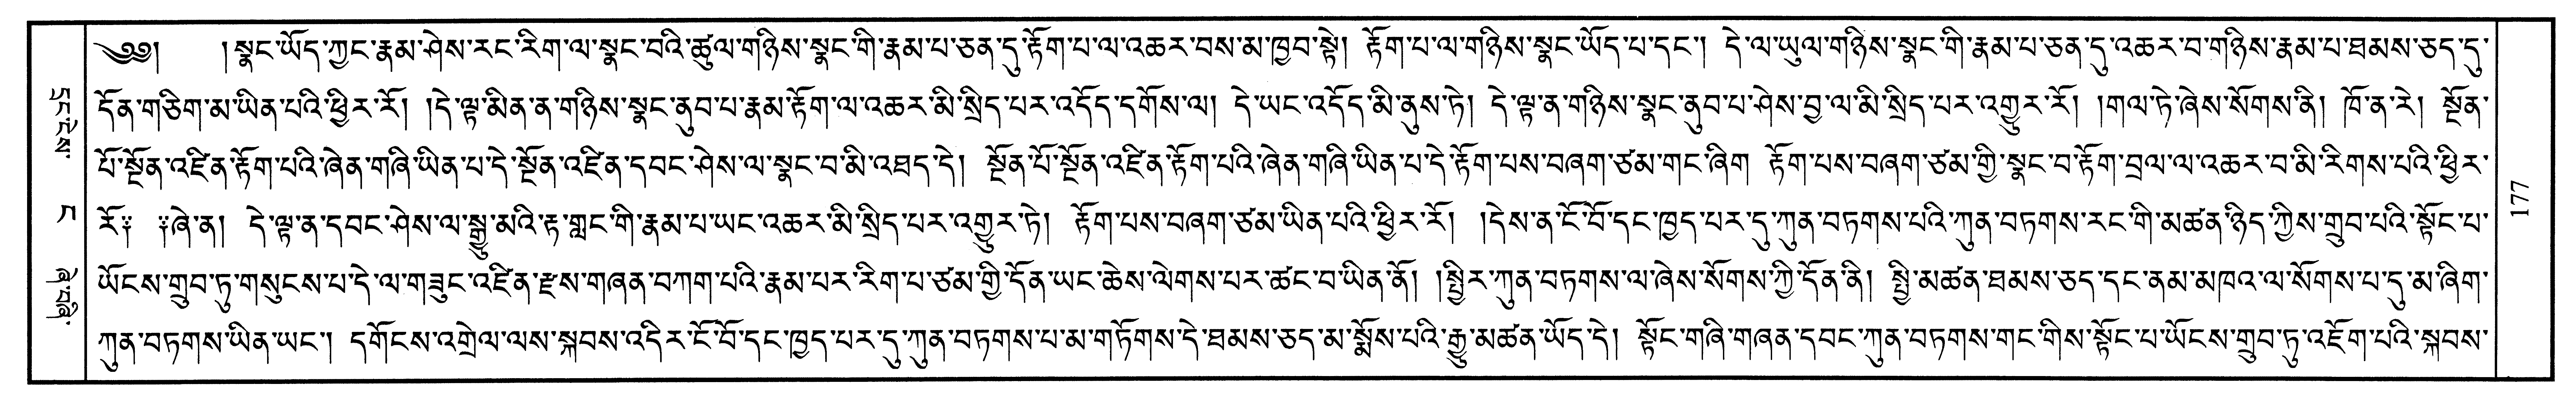༄༅། །སྣང་ཡོད་ཀྱང་རྣམ་ཤེས་རང་རིག་ལ་སྣང་བའི་ཚུལ་གཉིས་སྣང་གི་རྣམ་པ་ཅན་དུ་རྟོག་པ་ལ་འཆར་བས་མ་ཁྱབ་སྟེ། རྟོག་པ་ལ་གཉིས་སྣང་ཡོད་པ་དང་། དེ་ལ་ཡུལ་གཉིས་སྣང་གི་རྣམ་པ་ཅན་དུ་འཆར་བ་གཉིས་རྣམ་པ་ཐམས་ཅད་དུ་
དོན་གཅིག་མ་ཡིན་པའི་ཕྱིར་རོ། །དེ་ལྟ་མིན་ན་གཉིས་སྣང་ནུབ་པ་རྣམ་རྟོག་ལ་འཆར་མི་སྲིད་པར་འདོད་དགོས་ལ། དེ་ཡང་འདོད་མི་ནུས་ཏེ། དེ་ལྟ་ན་གཉིས་སྣང་ནུབ་པ་ཤེས་བྱ་ལ་མི་སྲིད་པར་འགྱུར་རོ། །གལ་ཏེ་ཞེས་སོགས་ནི། ཁོ་ན་རེ། སྔོན་
པོ་སྔོན་འཛིན་རྟོག་པའི་ཞེན་གཞི་ཡིན་པ་དེ་སྔོན་འཛིན་དབང་ཤེས་ལ་སྣང་བ་མི་འཐད་དེ། སྔོན་པོ་སྔོན་འཛིན་རྟོག་པའི་ཞེན་གཞི་ཡིན་པ་དེ་རྟོག་པས་བཞག་ཙམ་གང་ཞིག །རྟོག་པས་བཞག་ཙམ་གྱི་སྣང་བ་རྟོག་བྲལ་ལ་འཆར་བ་མི་རིགས་པའི་ཕྱིར་
རོ༑ ༑ཞེ་ན། དེ་ལྟ་ན་དབང་ཤེས་ལ་སྒྱུ་མའི་རྟ་གླང་གི་རྣམ་པ་ཡང་འཆར་མི་སྲིད་པར་འགྱུར་ཏེ། རྟོག་པས་བཞག་ཙམ་ཡིན་པའི་ཕྱིར་རོ། །དེས་ན་ངོ་བོ་དང་ཁྱད་པར་དུ་ཀུན་བཏགས་པའི་ཀུན་བཏགས་རང་གི་མཚན་ཉིད་ཀྱིས་གྲུབ་པའི་སྟོང་པ་
ཡོངས་གྲུབ་ཏུ་གསུངས་པ་དེ་ལ་གཟུང་འཛིན་རྫས་གཞན་བཀག་པའི་རྣམ་པར་རིག་པ་ཙམ་གྱི་དོན་ཡང་ཆེས་ལེགས་པར་ཚང་བ་ཡིན་ནོ། །སྤྱིར་ཀུན་བཏགས་ལ་ཞེས་སོགས་ཀྱི་དོན་ནི། སྤྱི་མཚན་ཐམས་ཅད་དང་ནམ་མཁའ་ལ་སོགས་པ་དུ་མ་ཞིག་
ཀུན་བཏགས་ཡིན་ཡང་། དགོངས་འགྲེལ་ལས་སྐབས་འདིར་ངོ་བོ་དང་ཁྱད་པར་དུ་ཀུན་བཏགས་པ་མ་གཏོགས་དེ་ཐམས་ཅད་མ་སྨོས་པའི་རྒྱུ་མཚན་ཡོད་དེ། སྟོང་གཞི་གཞན་དབང་ཀུན་བཏགས་གང་གིས་སྟོང་པ་ཡོངས་གྲུབ་ཏུ་འཇོག་པའི་སྐབས་